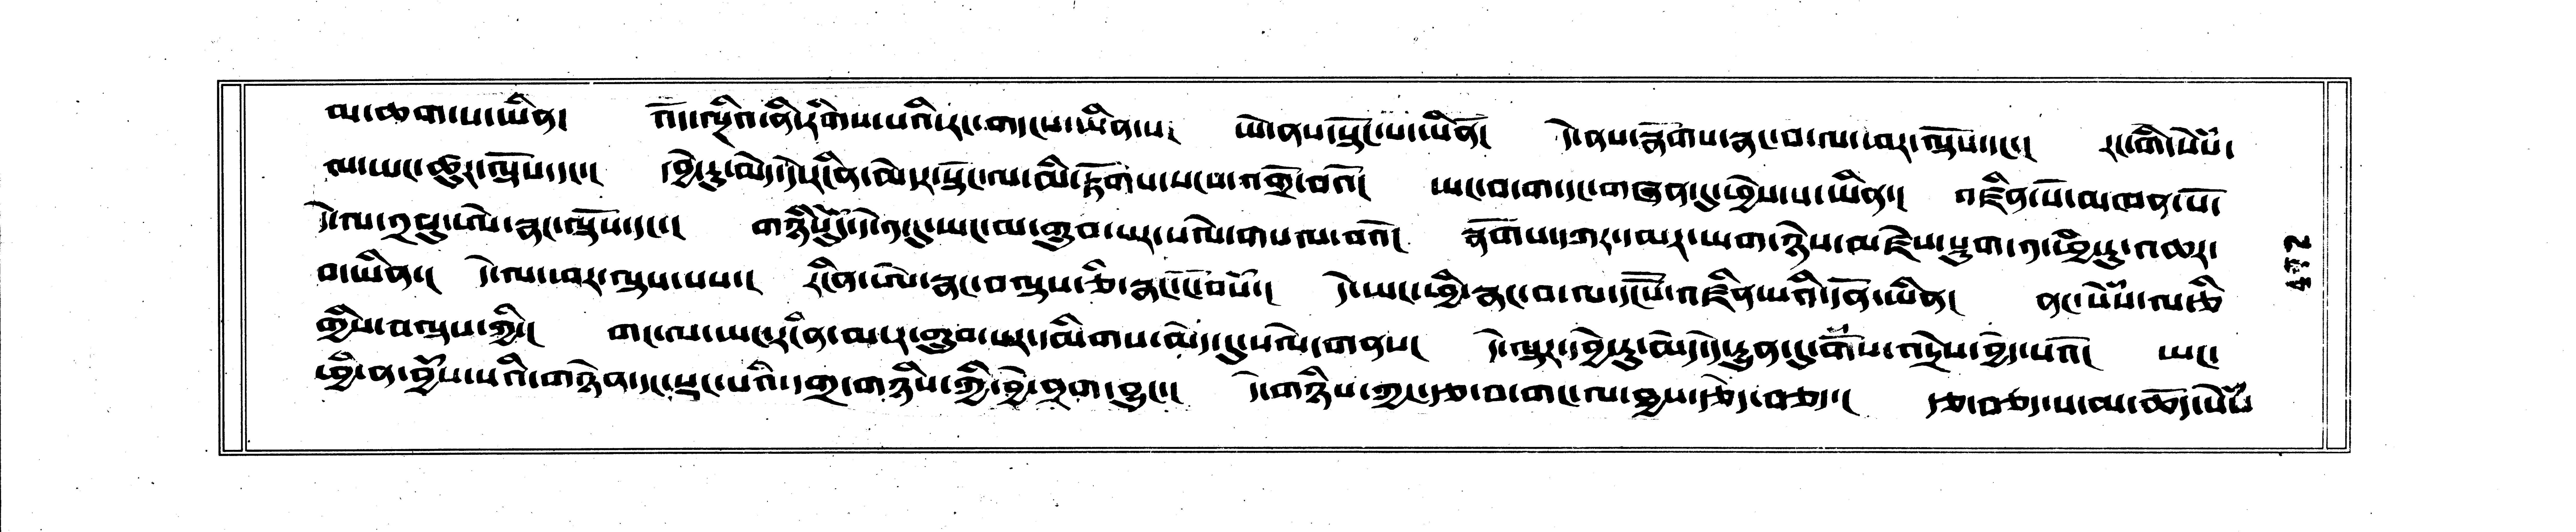མར་ཆགས་པ་ཡིན། འོད་ལྔ་ནི་རིག་པའི་རང་གདང་ཡིན་པས་སྟོང་པ་ཡིན། དེ་ནས་སྣ་ཚོགས་སྣང་བ་ཕར་ལྟོས་དང་། རང་གིས་སེམས་
ལ་ཡང་ཚུར་ལྟོས་དང་། དབྱེ་རུ་མེད་དེ་རང་བཞིན་མེད་པར་སྟོང་ལ་མི་རྟོགས་སང་སང་འགྲོ་བའོ། ཡང་བདག་དང་གཞན་དུ་ཕྱེ་བ་ཡི། འཛིན་པོ་མཁན་པོ་
དེ་ལ་གཉིས་སུ་ཨེ་སྣང་ལྟོས་དང་། གཉིས་སུ་མེད་དེ་གཅིག་ཏུ་ཡང་མ་གྲུབ་པར་སལེ་གསལ་བའོ། སྣ་ཚོགས་དཀར་དམར་ཡག་ཉེས་མཛེས་སྡུག་གཅིག་ཕྱི་རུ་འཆར་
བ་ཡིན། དེ་ལ་ཕར་བལྟས་པ་རང་བཞིན་ཨེ་སྣང་བལྟས་ཙ་སྣང་ངོ་བསམ། དེ་ཡང་ཕྱི་སྣང་བ་དངོས་པོར་འཛིན་པའི་དོན་ཡིན། ནང་སེམས་ལ་གཅེར་
གྱིས་བལྟས་ཙ། གང་ལ་ཡང་རང་བཞིན་མ་གྲུབ་པར་མི་དམིགས་དུ་སལེ་གནས། དེ་ལྟར་དབྱེ་རྒྱུ་མེད་དེ་རྒྱུན་དུ་གོམ་འདྲིས་བྱེད་པའོ། ཡང་
ཕྱིས་ནས་བྱམས་པའི་གཉེན་དང་། སྡང་པའི་དགྲ་གཉིས་ཀྱིས་བྱེ་བྲལ་བྱུང་། དེ་གཉིས་རྩ་བ་གང་ལ་ཐུགས་རྩད་བཅད། རྩད་བཅད་པས་མ་ཆོད་སེམས་